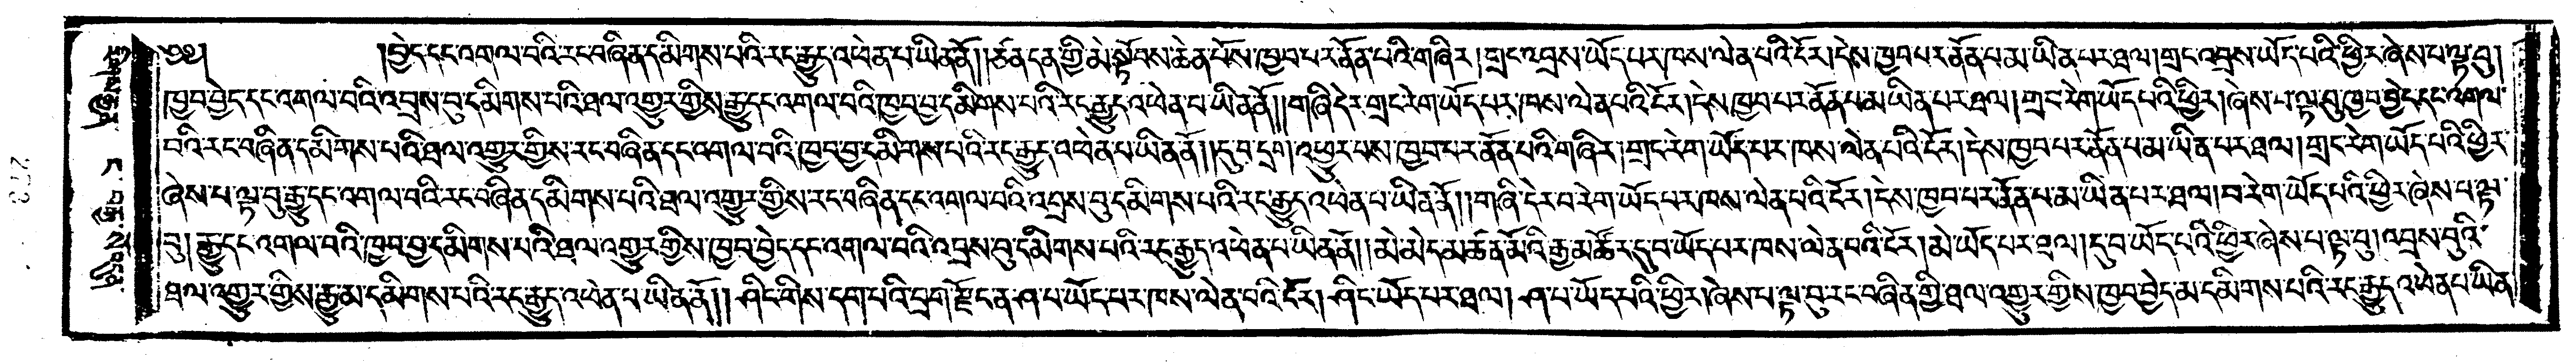༄༅། །བྱེད་དང་འགལ་བའི་རང་བཞིན་དམིགས་པའི་རང་རྒྱུད་འཕེན་པ་ཡིན་ནོ། །ཙན་དན་གྱི་མེ་སྟོབས་ཆེན་པས་ཁྱབ་པར་ནོན་པའི་གཞིར། གྲང་འབྲས་ཡོད་པར་ཁས་ལེན་པའི་ངོར། དེས་ཁྱབ་པར་ནོན་པ་མ་ཡིན་པར་ཐལ། གྲང་འབྲས་ཡོད་པའི་ཕྱིར་ཞེས་པ་ལྟ་བུ།
ཁྱབ་བྱེད་དང་འགལ་བའི་འབྲས་བུ་དམིགས་པའི་ཐལ་འགྱུར་གྱིས་རྒྱུ་དང་འགལ་བའི་ཁྱབ་བྱ་དམིགས་པའི་རང་རྒྱུད་འཕེན་པ་ཡིན་ནོ། །གཞི་དེར་གྲང་རེག་ཡོད་པར་ཁས་ལེན་པའི་ངོར། དེས་ཁྱབ་པར་ནོན་པ་མ་ཡིན་པར་ཐལ། གྲང་རེག་ཡོད་པའི་ཕྱིར། ཞེས་པ་ལྟ་བུ་ཁྱབ་བྱེད་དང་འགལ་
བའི་རང་བཞིན་དམིགས་པའི་ཐལ་འགྱུར་གྱིས་རང་བཞིན་དང་འགལ་བའི་ཁྱབ་བྱ་དམིགས་པའི་རང་རྒྱུད་འཕེན་པ་ཡིན་ནོ། །དུ་བ་དྲག་འཕྱུར་བས་ཁྱབ་པར་ནོན་པའི་གཞིར། གྲང་རེག་ཡོད་པར་ཁས་ལེན་པའི་ངོར། དེས་ཁྱབ་པར་ནོན་པ་མ་ཡིན་པར་ཐལ། གྲང་རེག་ཡོད་པའི་ཕྱིར་
ཞེས་པ་ལྟ་བུ་རྒྱུ་དང་འགལ་བའི་རང་བཞིན་དམིགས་པའི་ཐལ་འགྱུར་གྱིས་རང་བཞིན་དང་འགལ་བའི་འབྲས་བུ་དམིགས་པའི་རང་རྒྱུད་འཕེན་པ་ཡིན་ནོ། །གཞི་དེར་བ་རེག་ཡོད་པར་ཁས་ལེན་པའི་ངོར། དེས་ཁྱབ་པར་ནོན་པ་མ་ཡིན་པར་ཐལ། བ་རེག་ཡོད་པའི་ཕྱིར་ཞེས་པ་ལྟ་
བུ༑ རྒྱུ་དང་འགལ་བའི་ཁྱབ་བྱ་དམིགས་པའི་ཐལ་འགྱུར་གྱིས་ཁྱབ་བྱེད་དང་འགལ་བའི་འབྲས་བུ་དམིགས་པའི་རང་རྒྱུད་འཕེན་པ་ཡིན་ནོ། །མེ་མེད་མཚན་མོའི་རྒྱ་མཚོར་དུ་བ་ཡོད་པར་ཁས་ལེན་པའི་ངོར། མེ་ཡོད་པར་ཐལ། དུ་བ་ཡོད་པའི་ཕྱིར་ཞེས་པ་ལྟ་བུ། འབྲས་བུའི་
ཐལ་འགྱུར་གྱིས་རྒྱུ་མ་དམིགས་པའི་རང་རྒྱུད་འཕེན་པ་ཡིན་ནོ། །ཤིང་གིས་དག་པའི་བྲག་རྫོང་ན་ཤ་པ་ཡོད་པར་ཁས་ལེན་པའི་ངོར། ཤིང་ཡོད་པར་ཐལ། ཤ་པ་ཡོད་པའི་ཕྱིར། ཞེས་པ་ལྟ་བུ་རང་བཞིན་གྱི་ཐལ་འགྱུར་གྱིས་ཁྱབ་བྱེད་མ་དམིགས་པའི་རང་རྒྱུད་འཕེན་པ་ཡིན་